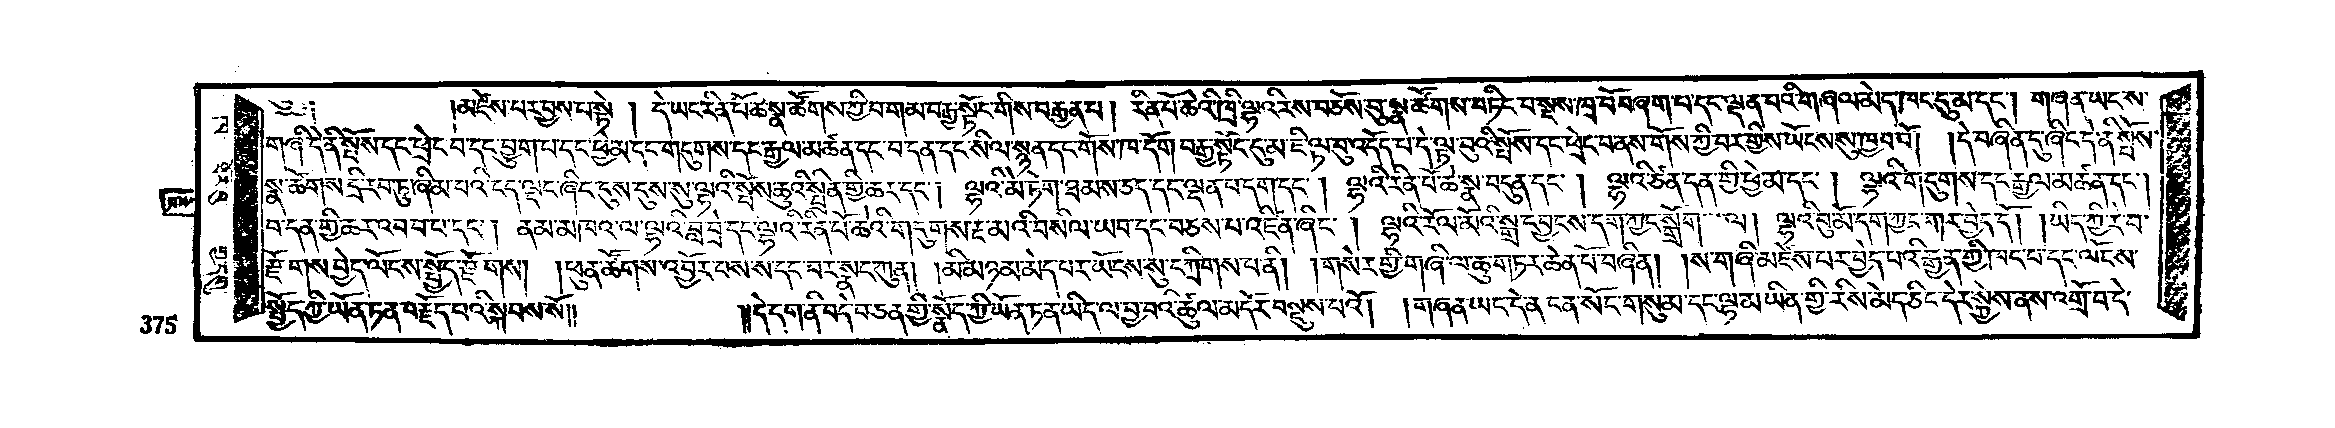༄༅། །མཛེས་པར་བྱས་པ་སྟེ། དེ་ཡང་རིན་པོ་ཆེ་སྣ་ཚོགས་ཀྱི་བ་གམ་བརྒྱ་སྟོང་གིས་བརྒྱན་པ། རིན་པོ་ཆེའི་ཁྲི་ལྷའི་རས་བཅོས་བུ་སྣ་ཚོགས་བཏིང་པ་སྔས་ཁྲ་བོ་བཞག་པ་དང་ལྡན་པའི་གཞལ་མེད་ཁང་དུ་མ་དང་། གཞན་ཡང་ས་
གཞི་དེ་ནི་སྤོས་དང་ཕྲེང་བ་དང་བྱུག་པ་དང་ཕྱི་མ་དང་གདུགས་དང་རྒྱལ་མཚན་དང་བ་དན་དང་སིལ་སྙན་དང་གོས་ཁ་དོག་བརྒྱ་སྟོང་དུ་མ་ཇི་ལྟ་བུ་འདོད་པ་དེ་ལྟ་བུའི་སྤོས་དང་ཕྲེང་བ་ནས་གོས་ཀྱི་བར་གྱིས་ཡོངས་སུ་ཁྱབ་བོ། །དེ་བཞིན་དུ་ཞིང་དེ་ནི་སྤོས་
སྣ་ཚོགས་དྲི་རབ་ཏུ་ཞིམ་པའི་ངད་ལྡང་ཞིང་དུས་དུས་སུ་ལྷའི་སྤོས་ཆུའི་སྤྲིན་གྱི་ཆར་དང་། ལྷའི་མེ་ཏོག་ཐམས་ཅད་དང་ལྡན་པ་དག་དང་། ལྷའི་རིན་པོ་ཆེ་སྣ་བདུན་དང་། ལྷའི་ཙན་དན་གྱི་ཕྱེ་མ་དང་། ལྷའི་གདུགས་དང་རྒྱལ་མཚན་དང་།
བ་དན་གྱི་ཆར་འབབ་པ་དང་། ནམ་མཁའ་ལ་ལྷའི་བླ་བྲེ་དང་ལྷའི་རིན་པོ་ཆེའི་གདུགས་རྔ་མའི་བསིལ་ཡབ་དང་བཅས་པ་འཛིན་ཞིང་། ལྷའི་རོལ་མོའི་སྒྲ་དབྱངས་དག་ཀྱང་སྒྲོག་ལ། ལྷའི་བུ་མོ་དག་ཀྱང་གར་བྱེད་དོ། །ཡིད་ཀྱི་རེ་བ་
རྫོགས་བྱེད་ལོངས་སྤྱོད་རྫོགས། །ཕུན་ཚོགས་འབྱོར་བས་ས་དང་བར་སྣང་ཀུན། །མི་མཉམ་མེད་པར་ཡོངས་སུ་དཀྲིགས་པ་ནི། །གསེར་གྱི་གཞི་ལ་ཆུ་གཏེར་ཆེན་པོ་བཞིན། །ས་གཞི་མཛེས་པར་བྱེད་པའི་རྒྱན་གྱི་ཁང་པ་དང་ལོངས་
སྤྱོད་ཀྱི་ཡོན་ཏན་བརྗོད་པའི་སྐབས་སོ།། །།དེ་དག་ནི་བདེ་བ་ཅན་གྱི་སྣོད་ཀྱི་ཡོན་ཏན་ཡིད་ལ་བྱ་བའི་ཚུལ་མདོར་བསྡུས་པའོ། །གཞན་ཡང་དེ་ན་ངན་སོང་གསུམ་དང་ལྷ་མ་ཡིན་གྱི་རིས་མེད་ཅིང་དེར་སྐྱེས་ནས་འགྲོ་བ་དེ་